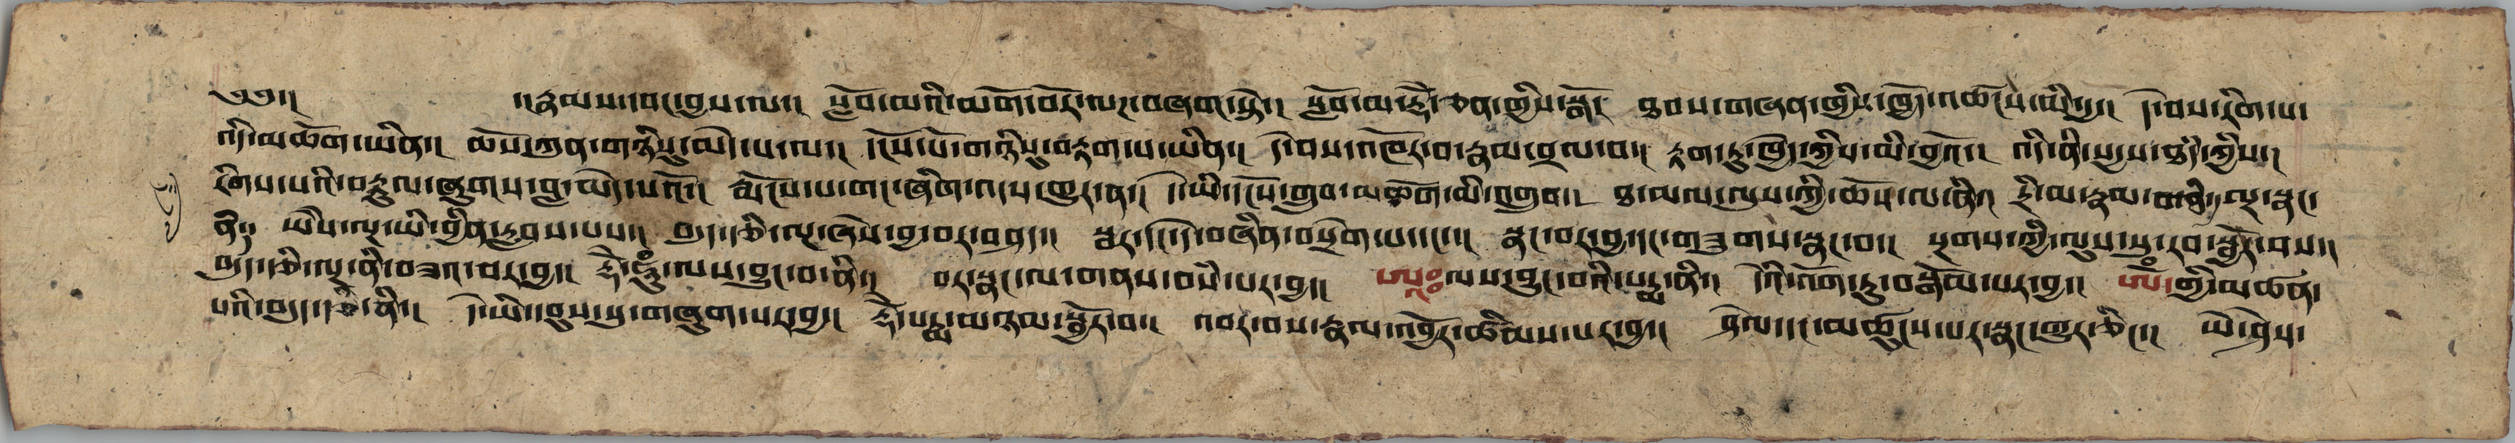༄༅་། ་།རྣམས་དབང་བྱས་ལ་། སློབ་མའི་མགོ་བོར་ལཌ་བཞག་སྟེ་། སློབ་མ་རྡོེ་ཅན་གྱིས་སྒོ། ཐབས་གཞན་ཁྱིས་ཁྱོད་འཚངས་མི་དྱ་། དེ་བས་རིག་པ་
འདི་མཆོག་ཡིན་། ཆོས་ཀུན་གཉིསུ་མེད་པ་ལ་། དངོས་པོ་གཉིསུ་བརྟག་པ་ཡིན་། དེ་བས་འཁོར་བ་རྣམ་བྲལ་བ་། རྟག་ཏུ་ཁྱེད་ཀྱིས་མི་བྱའོ་། འདི་ནི་སདྱས་ཐདཾ་ཀྱིས་།
རིགས་པའི་བརྟུལ་ཞུགས་བླ་མེད་པའོ་། རྨོངས་པ་གང་ཞིག་འདས་གྱུར་ན་། དེ་ཡི་དངོས་གྲུབ་མཆོག་མི་འགྲུབ་། ཐ་མལ་ལུས་ཀྱི་ཆོས་ལ་ནི་། དྲི་མ་རྣམ་བ་ནི་ལྔ་སྣང་
ནི༑ ཡཻས་ལྔ་ཡི་བྱིན་རླབས་པས་། བདུད་རྩི་ལྔ་ཞེས་བྱ་བར་བཤད་། སྦར་དང་དེ་བཞིན་བསྲེག་པ་དང་་། སྣང་བར་བྱ་དང་གཟུགས་སྣང་བ་། སྔགས་ཀྱི་ལུས་སུ་རབ་སྦྱོར་བས་།
བདུད་རྩི་ལྔ་ནི་བཟའ་བར་བྱ་། རྡོེ་ཧཱུཾ་ལས་བྱུང་བ་ནི་། བར་སྣང་ལ་གནས་བསཾ་པར་བྱ་། ཨཱཿལས་བྱུང་བའི་པདྨ་ནི་། དེའི་འོག་ཏུ་བསྒོམ་པར་བྱ་། ཨོཾ་གྱི་མཚན་
པའི་བདུད་རྩི་ནི་། དེ་ཡི་དབུས་སུ་གཞུག་པར་བྱ་། རྡོེ་པདྨ་མཉམ་སྦྱོར་བ་། འབར་བས་རྣལ་འབྱོར་ཚིམས་པར་བྱ་། ཤེལ་དང་མཚུངས་པར་སྣང་གྱུར་ཅིང་། ཡེ་ཤེས་